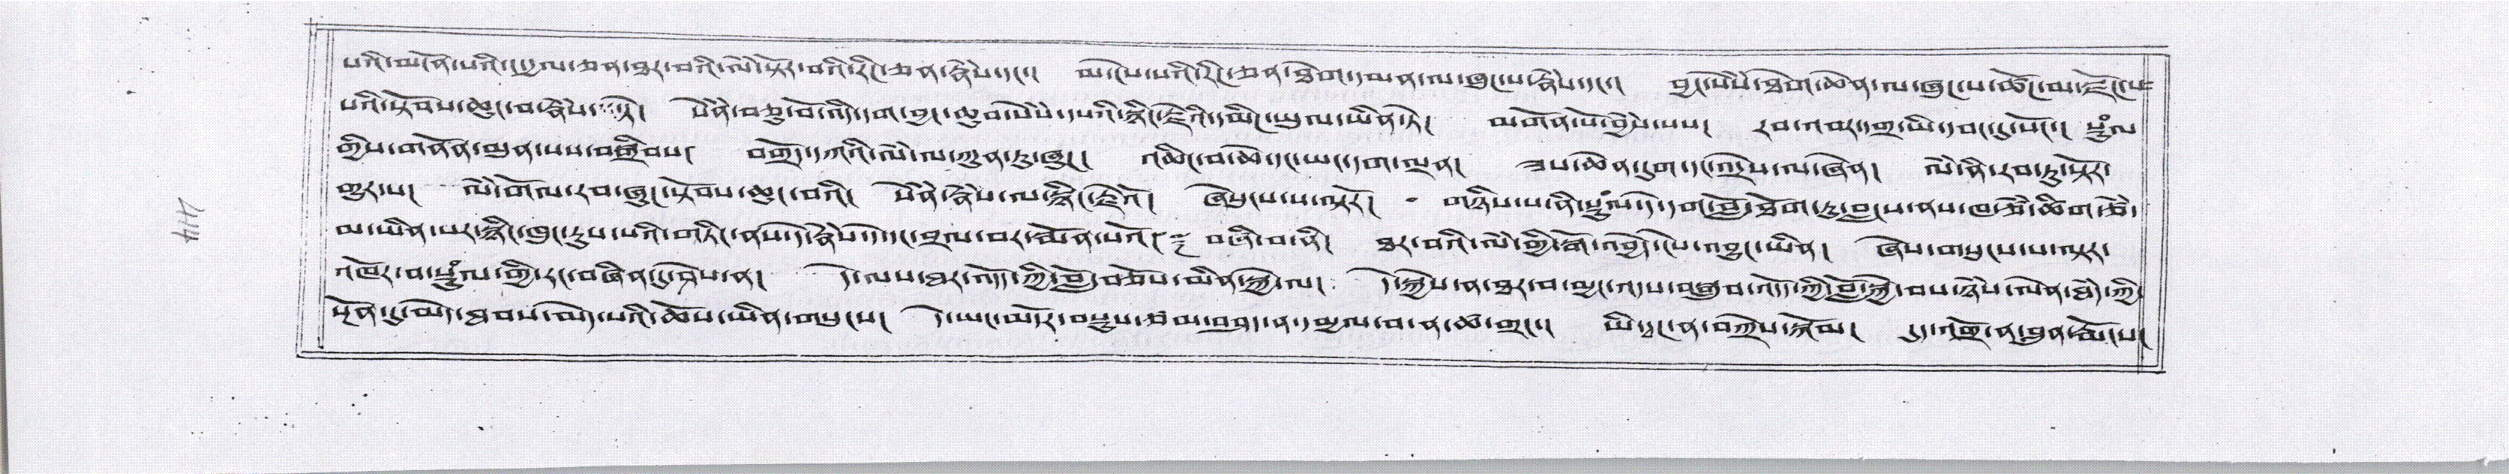པའི་མངོན་པའི་ང་རྒྱལ་ཅན་ཐར་པའི་ལམ་སྟོར་བའི་རིགས་ཅན་རྣམས་དང་། མ་ངེས་པའི་རིགས་ཅན་ཐེག་དམན་ལ་ཞུགས་པ་རྣམས་དང་། བྱང་སེམས་ཐེག་ཆེན་ལ་ཞུགས་པ་ཚོགས་མ་རྫོགས་
པའི་སྟོབས་ཆུང་བ་རྣམས་ཏེ། སེམས་ཅན་བཅུ་པོ་འདི་དག་བྱང་ཆུབ་སེམས་དཔའི་སྙིང་རྗེའི་དམིགས་ཡུལ་ཡིན་ཏེ། མགོན་པོ་བྱམས་པས། རབ་འབར་དགྲ་ཡི་དབང་དུ་སོང་། སྡུག་བསྔལ་
གྱིས་ནོན་མུན་པས་བསྒྲིབས། བགྲོད་དཀའི་ལམ་ལ་ཀུན་ཏུ་ཞུགས། འཆིང་བ་ཚེ་དང་ཡང་དག་ལྡན། ཟས་ཆེན་དུག་དང་འདྲེས་ལ་ཞེན། ལམ་ནི་རབ་ཏུ་སྟོར་
གྱུར་པ། ལམ་གོལ་རབ་ཞུགས་སྟོབས་ཆུང་བའི། སེམས་ཅན་རྣམས་ལ་སྙིང་རྗེའོ། ཞེས་གསུངས་པ་ལྟར་རོ། ༧ གཉིས་པ་ནི། སྡུག་བསྔལ་དེ་དག་བློ་ཐོག་ཏུ་བླངས་ནས་ཁ་ཙམ་ཚིག་ཙམ་
མ་ཡིན་པར་སྙིང་ཁུངས་རུས་པའི་གཏིང་ནས་དེ་རྣམས་དེ་དང་བྲལ་བར་སྨོན་པའོ།། ༧ བཞི་པ་ནི། ཐར་པའི་ལམ་གྱི་སྒོ་འབྱེད་ངེས་འབྱུང་ཡིན། ཞེས་གསུངས་པ་ལྟར། 
འཁོར་བ་སྡུག་བསྔལ་གྱི་རང་བཞིན་དུ་ཤེས་ན། དེ་ལས་ཐར་འདོད་ཀྱི་བློ་བཅོས་མིན་སྐྱེ་ལ། དེ་སྐྱེས་ན་ཐར་པ་མྱང་འདས་སྒྲུབ་འདོད་ཀྱི་བློ་སྐྱེ་བས་ཉམས་ལེན་ཐམས་ཅད་ཀྱི་
སྔོན་དུ་མེད་ཐབས་མེད་པའི་ཆོས་ཡིན་གསུངས། དེ་ཡང་མདོར་བསྡུས་ཙམ་བཤད་ན་དམྱལ་བ་ན་ཚ་གྲང་། ཡི་དྭགས་ན་བཀྲེས་སྐོམ། དུད་འགྲོ་ན་བླུན་རྨོངས་